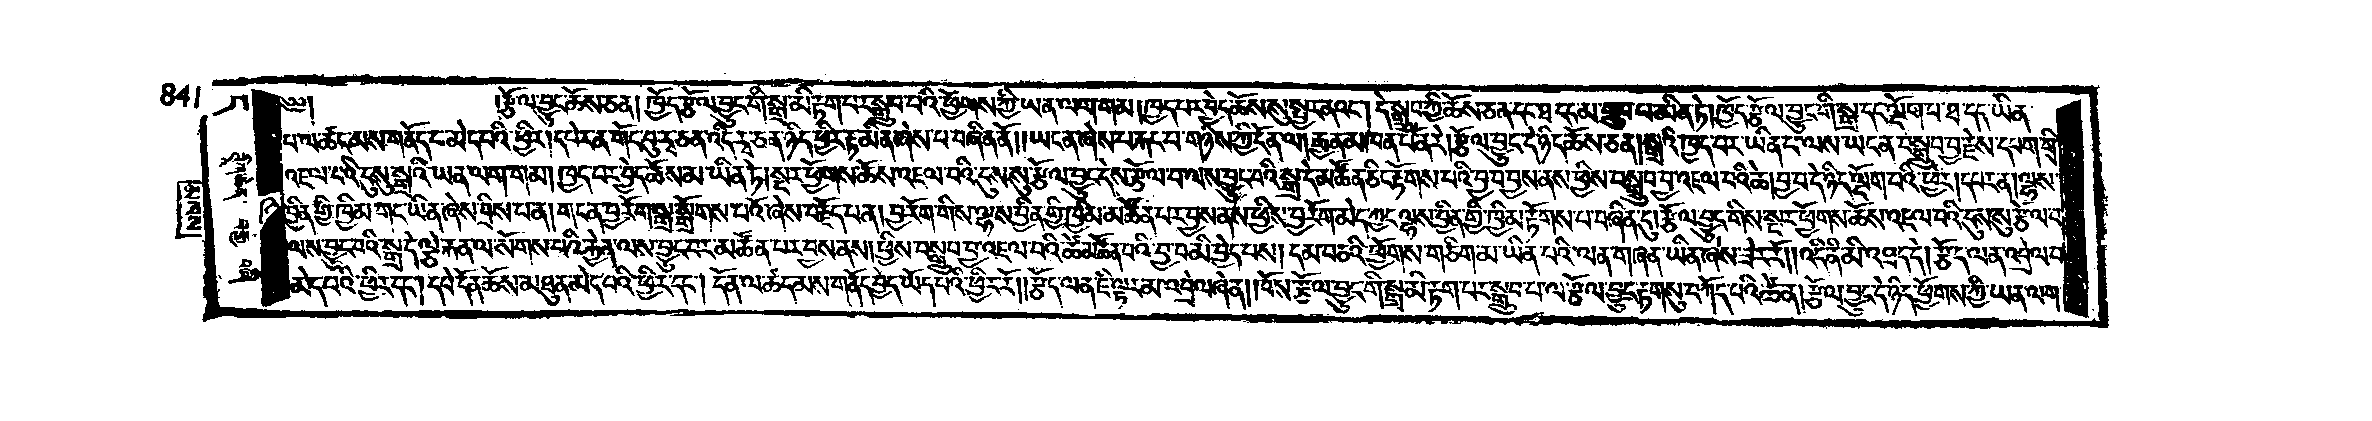༄༅། །རྩོལ་བྱུང་ཆོས་ཅན། ཁྱོད་རྩོལ་བྱུང་གི་སྒྲ་མི་རྟག་པར་སྒྲུབ་པའི་ཕྱོགས་ཀྱི་ཡང་དག་གམ། ཁྱད་པར་བྱེད་ཆོས་སུ་སྦྱར་ནའང་། དེ་སྒྲུབ་ཀྱི་ཆོས་ཅན་དང་ཐ་དད་མ་གྲུབ་པ་མིན་ཏེ། ཁྱོད་རྩོལ་བྱུང་གི་སྒྲ་དང་ལྡོག་པ་ཐ་དད་ཡིན་
པ་ལ་ཚད་མས་གནོད་པ་མེད་པའི་ཕྱིར། དཔེར་ན་གོང་བུ་རVཨ་ཅན་འདི་རVཨ་ཅན་ཉིད་ཕྱིར་རྟག་མིན་ཞེས་པ་བཞིན་ནོ། །ཡང་ན་ཞེས་པ་རྐང་པ་གཉིས་ཀྱི་དོན་ལ། རྒྱན་མཁན་པོ་ན་རེ། རྩོལ་བྱུང་དེ་ཉིད་ཆོས་ཅན། སྒྲའི་ཁྱད་པར་ཡིན་པ་ལས་ཡང་ན་བསྒྲུབ་བྱ་རྗེས་དཔག་གི་
འཇལ་པའི་དུས་སུ་སྒྲའི་ཡན་ལག་གམ། ཁྱད་པར་བྱེད་ཆོས་མ་ཡིན་ཏེ། སྔར་ཕྱོགས་ཆོས་འཇལ་བའི་དུས་སུ་རྩོལ་བྱུང་དེས་རྩོལ་བ་ལས་བྱུང་བའི་སྒྲ་དེ་མཚོན་ཅིང་རྟོགས་པའི་བྱ་བ་བྱས་ནས་ཕྱིས་བསྒྲུབ་བྱ་འཇལ་བའི་ཆེ། བྱ་བ་དེ་ཉིད་ལྡོག་པའི་ཕྱིར། དཔེར་ན། ལྷས་
བྱིན་གྱི་ཁྱིམ་གང་ཡིན་ཞེས་བྲིས་པ་ན། གང་ན་བྱ་རོག་སྒྲ་སྒྲོགས་པའོ་ཞེས་བརྗོད་པ་ན། བྱ་རོག་གིས་ལྷས་བྱིན་གྱི་ཁྱིམ་མཚོན་པར་བྱས་ནས་ཕྱིས་བྱ་རོག་མེད་ཀྱང་ལྷས་བྱིན་གྱིས་ཁྱིམ་རྟོགས་པ་བཞིན་དུ། རྩོལ་བྱུང་གིས་སྔར་ཕྱོགས་ཆོས་འཇལ་བའི་དུས་སུ་རྩོལ་བ་
ལས་བྱུང་བའི་སྒྲ་དེ་ལྕེ་རྐན་ལ་སོགས་པའི་རྐྱེན་ལས་བྱུང་བར་མཚོན་པར་བྱས་ནས། ཕྱིས་བསྒྲུབ་བྱ་འཇལ་བའི་ཚེ་མཚོན་པའི་བྱ་བ་མི་བྱེད་པས། དམ་བཅའི་ཕྱོགས་གཅིག་མ་ཡིན་པའི་ལན་གཞན་ཡིན་ཞེས་ཟེར་རོ། །འདི་ནི་མི་འཐད་དེ། རྩོད་ལན་འབྲེལ་བ་
མེད་པའི་ཕྱིར་དང་། དཔེ་དོན་ཆོས་མཐུན་མེད་པའི་ཕྱིར་དང་། དོན་ལ་ཚད་མས་གནོད་བྱེད་ཡོད་པའི་ཕྱིར་རོ། །རྩོད་ལན་ཇི་ལྟར་མ་འབྲེལ་ཞེ་ན། ཁོས་རྩོལ་བྱུང་གི་སྒྲ་མི་རྟག་པར་སྒྲུབ་པ་ལ་རྩོལ་བྱུང་རྟགས་སུ་བཀོད་པའི་ཚེ་ན། རྩོལ་བྱུང་དེ་ཉིད་ཕྱོགས་ཀྱི་ཡན་ལག་